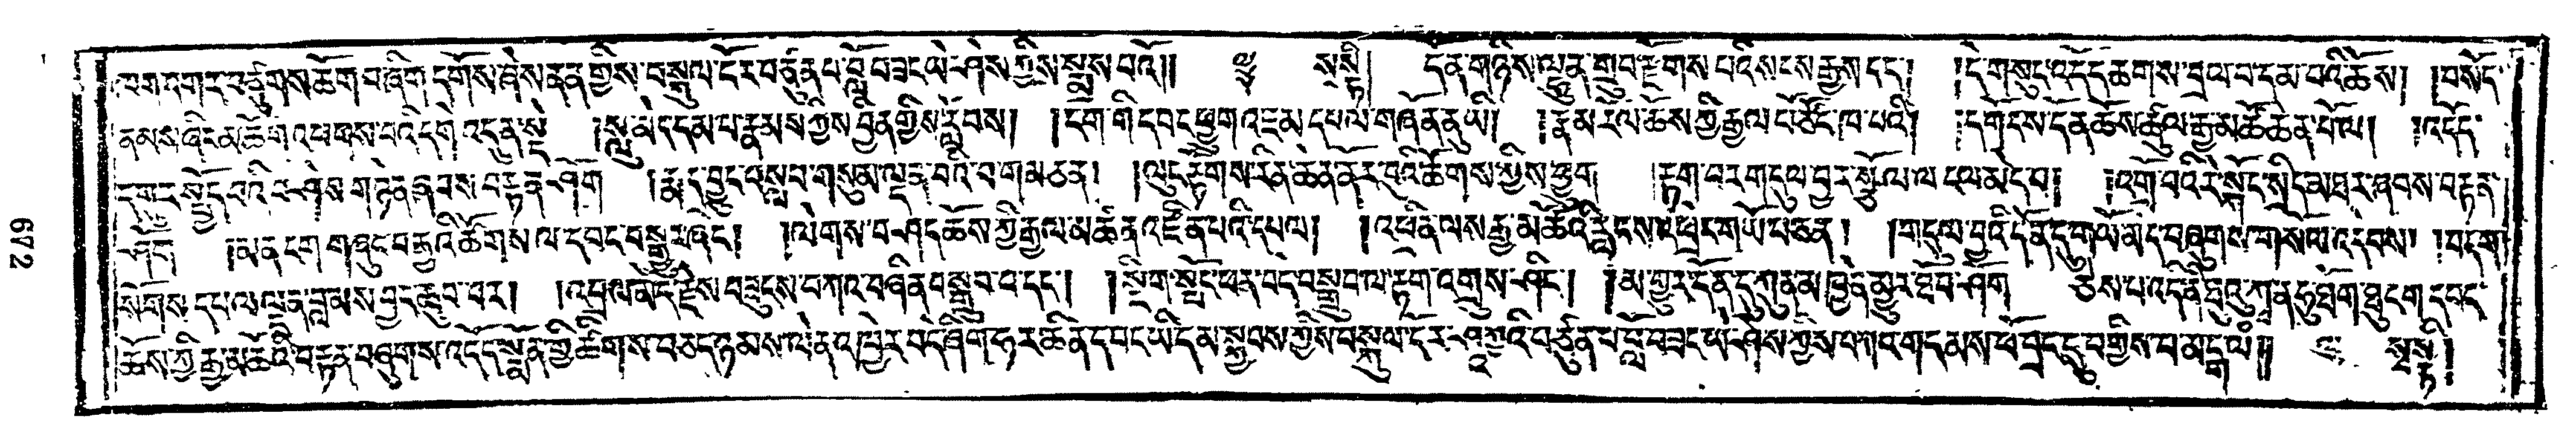ཁག་འགར་བཙུགས་ཆོག་བ་ཞིག་དགོས་ཞེས་ནན་གྱིས་བསྐུལ་ངོར་བཙུན་པ་བློ་བཟང་ཡེ་ཤེས་ཀྱིས་སྨྲས་པའོ།། ༈ སྭསྟི། དོན་གཉིས་ལྷུན་གྲུབ་རྫོགས་པའི་སངས་རྒྱས་དང་། །དེ་གསུང་འདོད་ཆགས་བྲལ་བ་དམ་བའི་ཆོས། །བསོད་
ནམས་ཞིང་མཆོག་འཕགས་བའི་དགེ་འདུན་སྡེ། །སླུ་མེད་དམ་པ་རྣམས་ཀྱིས་བྱིན་གྱིས་རློབས། །ངག་གི་དབང་ཕྱུག་འཇམ་དཔལ་གཞོན་ནུ་ཡི། །རྣམ་རོལ་ཆོས་ཀྱི་རྒྱལ་པོ་ཙོང་ཁ་པའི། །དགོངས་དོན་ཆོས་ཚུལ་རྒྱ་མཚོ་ཆེན་པོ་ལ། །འདོད་
དགུར་སྤྱོད་བའི་བཤེས་གཉེན་ཞབས་བརྟན་ཤོག །རྨད་བྱུང་བསླབ་གསུམ་ལྡན་བའི་བ་གམ་ཅན། །ལུང་རྟོགས་རིན་ཆེན་ནོར་བུའི་ཆོགས་ཀྱིས་ཕྱུག། །རྟག་པར་གདུལ་བྱར་སྩོལ་ལ་ངལ་མེད་བ། །འགྲོ་བའི་རེ་སྐོང་སྲིད་མཐར་ཞབས་བརྟན་
ཤོག །མན་ངག་གཞུང་བརྒྱའི་ཚོགས་ལ་དབང་བསྒྱུར་ཞིང་། །ལེགས་བཤད་ཆོས་ཀྱི་རྒྱལ་མཚན་འཛིན་པའི་དཔལ། །འཕྲིན་ལས་རྒྱ་མཚོའི་རླངས་འཕྲེང་གཡོ་བ་ཅན། །གདུལ་བྱའི་དོན་དུ་གཡོ་མེད་བཞུགས་གསོལ་འདེབས། །བདག་
སོགས་དཔལ་ལྡན་བླ་མས་བྱང་ཆུབ་བར། །འབྲལ་མེད་རྗེས་བཟུངས་བཀའ་བཞིན་བསྒྲུབ་བ་དང་། །སྡིག་སྤོང་ཕན་བདེ་བསྒྲུབ་ལ་རྟག་འགྲུས་ཤིང་། །མ་གྱུར་དོན་དུ་ཀུན་མཁྱེན་མྱུར་ཐོབ་ཤོག་ཅེས་པ་འདི་ནི་ཐུའུ་ཀྭ་ན་ཧུ་ཐོག་ཐུ་ངག་དབང་
ཆོས་ཀྱི་རྒྱ་མཚོའི་བརྟན་བཞུགས་འདོད་སྨོན་གྱི་ཚིགས་བཅད་ཉམས་ལེན་འཁྱེར་བདེ་ཞིག་ཧར་ཆིན་དབང་ཡི་དམ་སྐྱབས་ཀྱིས་བསྐུལ་ངོར་ཤཱཀྱའི་བཙུན་པ་བློ་བཟང་ཡེ་ཤེས་ཀྱིས་བཀའ་གདམས་ཕོ་བྲང་དུ་བགྱིས་བ་མངྒལཾ།། ལུ?་སྭསྟི། །